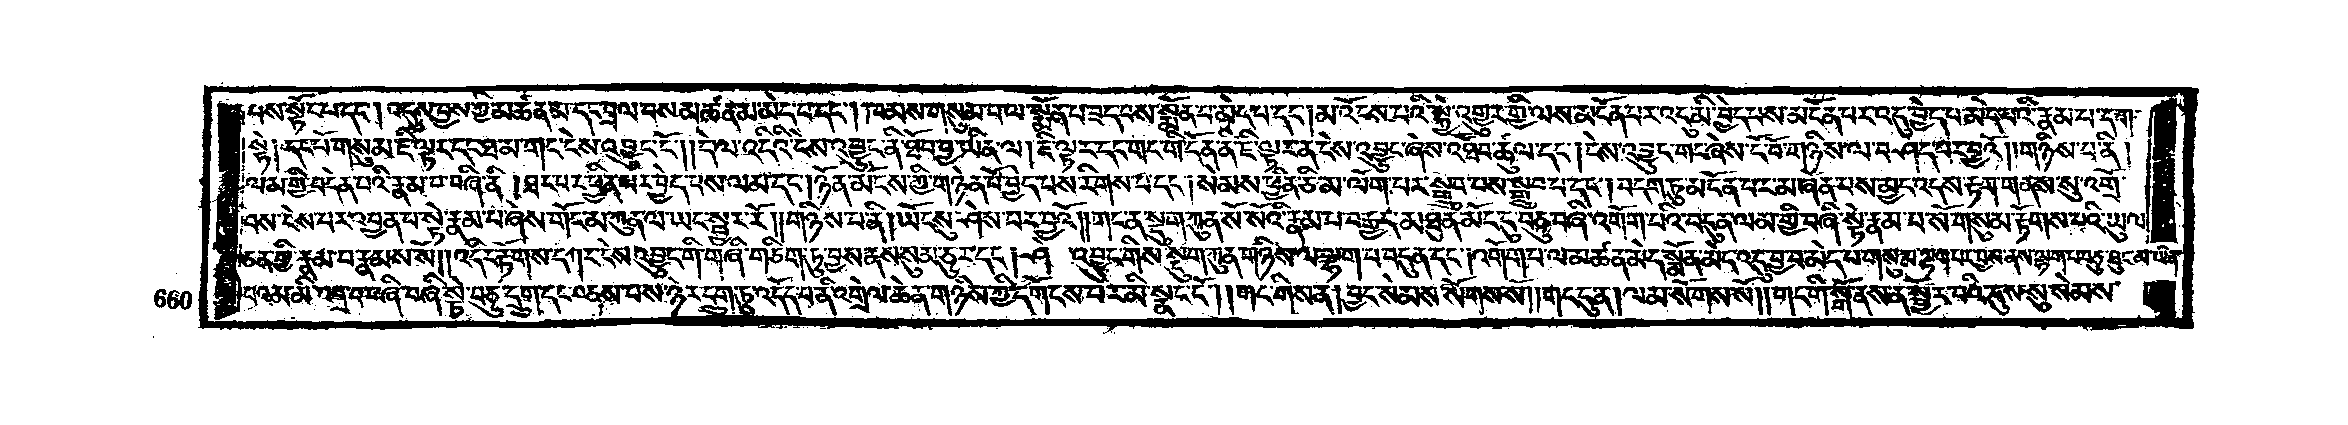བས་སྟོང་པ་དང་། འདུས་བྱས་ཀྱི་མཚན་མ་དང་བྲལ་བས་མཚན་མ་མེད་པ་དང་། ཁམས་གསུམ་པ་ལ་སྨོན་པ་ཟད་པས་སྨོན་པ་མེད་པ་དང་། མ་འོངས་པའི་སྐྱེ་འགྱུར་གྱི་ལས་མངོན་པར་འདུ་མི་བྱེད་པས་མངོན་པར་འདུ་བྱེད་པ་མེད་པའི་རྣམ་པ་དག་
སྟེ། དང་པོ་གསུམ་ཇི་ལྟར་དང་ཐ་མ་གང་ངེས་འབྱུང་ངོ། །དེ་ལ་འདིའི་ངེས་འབྱུང་ནི་ཐོབ་བྱ་ཡིན་ལ། ཇི་ལྟར་དང་གང་གི་དོན་ནི་ཇི་ལྟར་ན་ངེས་འབྱུང་ཞེས་འཐོབ་ཚུལ་དང་། ངེས་འབྱུང་གང་ཞེས་ངོ་བོ་གཉིས་ལ་བཤད་པར་བྱའོ། །གཉིས་པ་ནི།
ལམ་གྱི་བདེན་པའི་རྣམ་པ་བཞི་ནི། ཐར་པར་ཕྱིན་པར་བྱེད་པས་ལམ་དང་། ཉོན་མོངས་ཀྱི་གཉེན་པོ་བྱེད་པས་རིགས་པ་དང་། སེམས་ཕྱིན་ཅི་མ་ལོག་པར་སྒྲུབ་པས་སྒྲུབ་པ་དང་། བདག་ཏུ་མངོན་པར་མ་ཞེན་པས་མྱང་འདས་རྟག་གནས་སུ་འགྲོ་
བས་ངེས་པར་འབྱིན་པ་སྟེ་རྣམ་པ་ཞེས་གོང་མ་ཀུན་ལ་ཡང་སྦྱར་རོ། །གཉིས་པ་ནི། ཡོངས་སུ་ཤེས་པར་བྱའོ། །གང་ན་སྡུག་ཀུན་སོ་སོའི་རྣམ་པ་བརྒྱད་མཐུན་མོང་དུ་བཅུ་བཞི་འགོག་པའི་བདུན་ལམ་གྱི་བཞི་སྟེ་རྣམ་པ་སོ་གསུམ་རྟོགས་པའི་ཡུལ་
ཅན་གྱི་རྣམ་པ་རྣམས་སོ། །འདིར་རྟོགས་དཀར་ངེས་འབྱུང་གི་གཞི་གཅིག་ཏུ་བྱས་ནས་སུམ་ཅུར་དང་། ཤེས་འབྱུང་གིས་སྡུག་ཀུན་གཉིས་ལ་ལྷག་པ་བདུན་དང་། འགོག་པ་ལ་མཚན་མེད་སྨོན་མེད་འདུ་བྱ་བ་མེད་པ་གསུམ་ལྷག་པར་བྱས་ནས་ལྷག་པ་བཅུ་ཐུང་མོང་མ་ཡིན
པའམ་མི་འདྲ་བ་བཞི་བཞི་སྟེ་བཅུ་དྲུག་དང་བཅས་པས་ཉེར་དྲུག་ཏུ་འདོད་པ་ནི་འགྲེལ་ཆེན་གཉིས་ཀྱི་དགོངས་པར་མི་སྣང་ངོ། །གང་གིས་ན། བྱང་སེམས་སོགས་སོ། །གང་དུ་ན། ལམ་སོགས་སོ། །གང་གི་སྒོ་ནས་ན་སྦྱོར་བའི་དུས་སུ་སེམས་